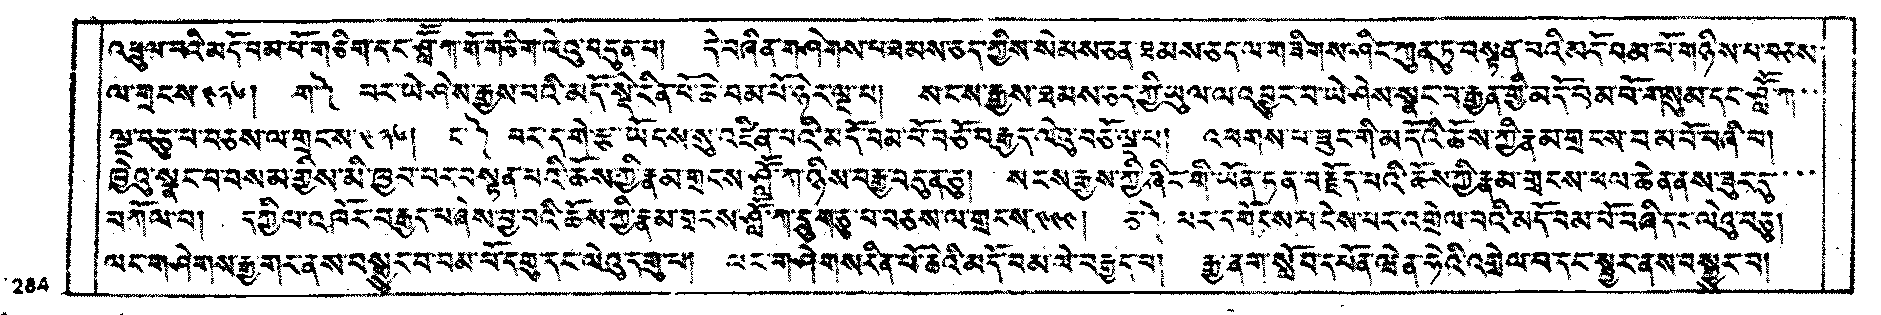འཕྲུལ་བའི་མདོ་བམ་པོ་གཅིག་དང་ཤླཽ་ཀ་གོ་གཅིག་ལེའུ་བདུན་པ། དེ་བཞིན་གཤེགས་པ་ཐམས་ཅད་ཀྱིས་སེམས་ཅན་ཐམས་ཅད་ལ་གཟིགས་ཤིང་ཀུན་ཏུ་བསྟན་པའི་མདོ་བམ་པོ་གཉིས་པ་བཅས་
ལ་གྲངས ༤༢༦། ག྄་པར་ཡེ་ཤེས་རྒྱས་པའི་མདོ་སྡེ་རིན་པོ་ཆེ་བམ་པོ་ཉེར་ལྔ་པ། སངས་རྒྱས་ཐམས་ཅད་ཀྱི་ཡུལ་ལ་འབྱུང་བ་ཡེ་ཤེས་སྣང་བ་རྒྱན་གྱི་མདོ་བམ་པོ་གསུམ་དང་ཤླཽ་ཀ་
ལྔ་བཅུ་པ་བཅས་ལ་གྲངས ༤༢༦། ང྄་པར་དགེ་རྩ་ཡོངས་སུ་འཛིན་པའི་མདོ་བམ་པོ་བཅོ་བརྒྱད་ལེའུ་བཅོ་ལྔ་པ། འཕགས་པ་ཟུང་གི་མདོའི་ཆོས་ཀྱི་རྣམ་གྲངས་བམ་པོ་བཞི་པ།
ཁྱེའུ་སྣང་བ་བསམ་གྱིས་མི་ཁྱབ་པར་བསྟན་པའི་ཆོས་ཀྱི་རྣམ་གྲངས་ཤླཽ་ཀ་ཉིས་བརྒྱ་བདུན་ཅུ། སངས་རྒྱས་ཀྱི་ཞིང་གི་ཡོན་ཏན་བརྗོད་པའི་ཆོས་ཀྱི་རྣམ་གྲངས་ཕལ་ཆེན་ནས་ཟུར་དུ་
བཀོལ་བ། དཀྱིལ་འཁོར་བརྒྱད་པ་ཞེས་བྱ་བའི་ཆོས་ཀྱི་རྣམ་གྲངས་ཤླཽ་ཀ་དྲུག་ཅུ་པ་བཅས་ལ་གྲངས ༤༤༤། ཅ྄་པར་དགོངས་པ་ངེས་པར་འགྲེལ་བའི་མདོ་བམ་པོ་བཞི་དང་ལེའུ་བཅུ།
ལང་གཤེགས་རྒྱ་གར་ནས་བསྒྱུར་བ་བམ་པོ་དགུ་དང་ལེའུ་དགུ་པ། ལང་གཤེགས་རིན་པོ་ཆེའི་མདོ་བམ་ལེ་བརྒྱད་པ། རྒྱ་ནག་སློབ་དཔོན་ཝེན་ཧེའི་འགྲེལ་བ་དང་སྦྱར་ནས་བསྒྱུར་བ།